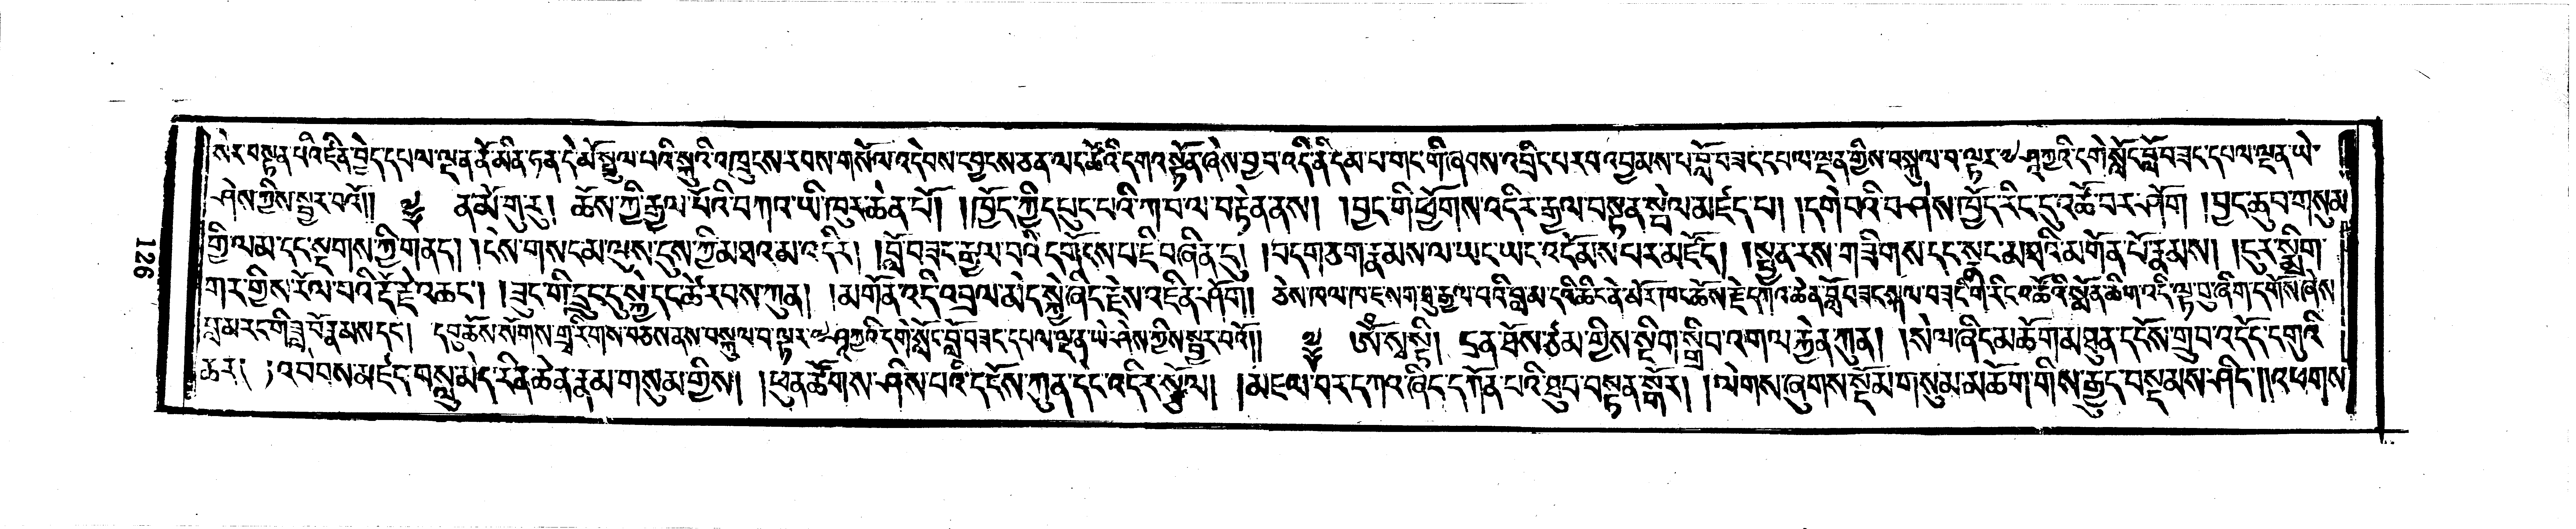སེར་བསྟན་པའི་འཛིན་བྱེད་དཔལ་ལྡན་ནོ་མིན་ཧན་དེ་མོ་སྤྲུལ་པའི་སྐུའི་འཁྲུངས་རབས་གསོལ་འདེབས་དབྱངས་ཅན་ལང་ཚེའི་དགའ་སྟོན་ཞེས་བྱ་བ་འདི་ནི་དམ་པ་གང་གི་ཞབས་འབྲིང་པར་འབྱམས་པ་བློ་བཟང་དཔལ་ལྡན་གྱིས་བསྐུལ་བ་ལྟར་༧་ཤཱཀྱའི་དགེ་སློང་བློ་བཟང་དཔལ་ལྡན་ཡེ་
ཤེས་ཀྱིས་སྦྱར་བའོ།། ༈ ན་མོ་གུ་རུ། ཆོས་ཀྱི་རྒྱལ་པོའི་བཀའ་ཡི་ཁུར་ཆེན་པོ། །ཁྱོད་ཀྱི་དཔུང་པའི་ཀ་བ་ལ་བརྟེན་ནས། །བྱང་གི་ཕྱོགས་འདིར་རྒྱལ་བསྟན་སྦེལ་མཛད་པ། །དགེ་བའི་བཤེས་ཁྱོད་རིང་དུ་འཚོ་བར་ཤོག །བྱང་ཆུབ་གསུམ་
གྱི་ལམ་དང་སྔགས་ཀྱི་གནད། །ངེས་གསང་མ་ལུས་དུས་ཀྱི་མཐའ་མ་འདིར། །བློ་བཟང་རྒྱལ་བའི་དགོངས་པ་ཇི་བཞིན་དུ། །བདག་ཅག་རྣམས་ལ་ཡང་ཡང་འདོམས་པར་མཛོད། །སྦྱན་རས་གཟིགས་དང་སྣང་མཐའི་མགོན་པོ་རྣམས། །ངུར་སྨྲིག་
གར་གྱིས་རོལ་བའི་རྡོ་རྗེ་འཆང་། །ཟུང་གི་དྲུང་དུ་སྐྱེ་དང་ཚེ་རབས་ཀུན། །མགོན་འདི་འབྲལ་མེད་སྐྱེ་ཞིང་རྗེས་འཛིན་ཤོག། ཅེས་ཁལ་ཁ་ཇ་སག་ཐུ་རྒྱལ་བའི་བླ་མ་དའི་ཆིང་ནེ་མོར་ཁང་ཆོས་རྗེ་དཀའ་ཆེན་བློ་བཟང་སྐལ་བཟང་གི་རིང་འཚོའི་སྨོན་ཚིག་འདི་ལྟ་བུ་ཞིག་དགོས་ཞེས་
བླ་མ་རང་གི་ཟླ་བོ་རྣམས་དང་། དབུ་ཆོས་སོགས་གྲྭ་རིགས་བཅས་ནས་བསྐུལ་བ་ལྟར་༧་ཤཱཀྱའི་དགེ་སློང་བློ་བཟང་དཔལ་ལྡན་ཡེ་ཤེས་ཀྱིས་སྦྱར་བའོ།། ༈ ཨོཾ་སྭ་སྟི། དྲན་ཐོས་ཙམ་གྱིས་སྡིག་སྒྲིབ་འགལ་རྐྱེན་ཀུན། །སེལ་ཞིང་མཆོག་མཐུན་དངོས་གྲུབ་འདོད་དགུའི་
ཆར༑ ༑འབེབས་མཛད་བསླུ་མེད་རིན་ཆེན་རྣམ་གསུམ་གྱིས། །ཕུན་ཚོགས་ཤིས་པའི་དངོས་ཀུན་དང་འདིར་སྩོལ། །མཇལ་བར་དཀའ་ཞིང་དཀོན་པའི་ཐུབ་བསྟན་སྒོར། །ལེགས་ཞུགས་སྡོམ་གསུམ་མཆོག་གིས་རྒྱུད་བསྡམས་ཤིང་། །འཕགས་